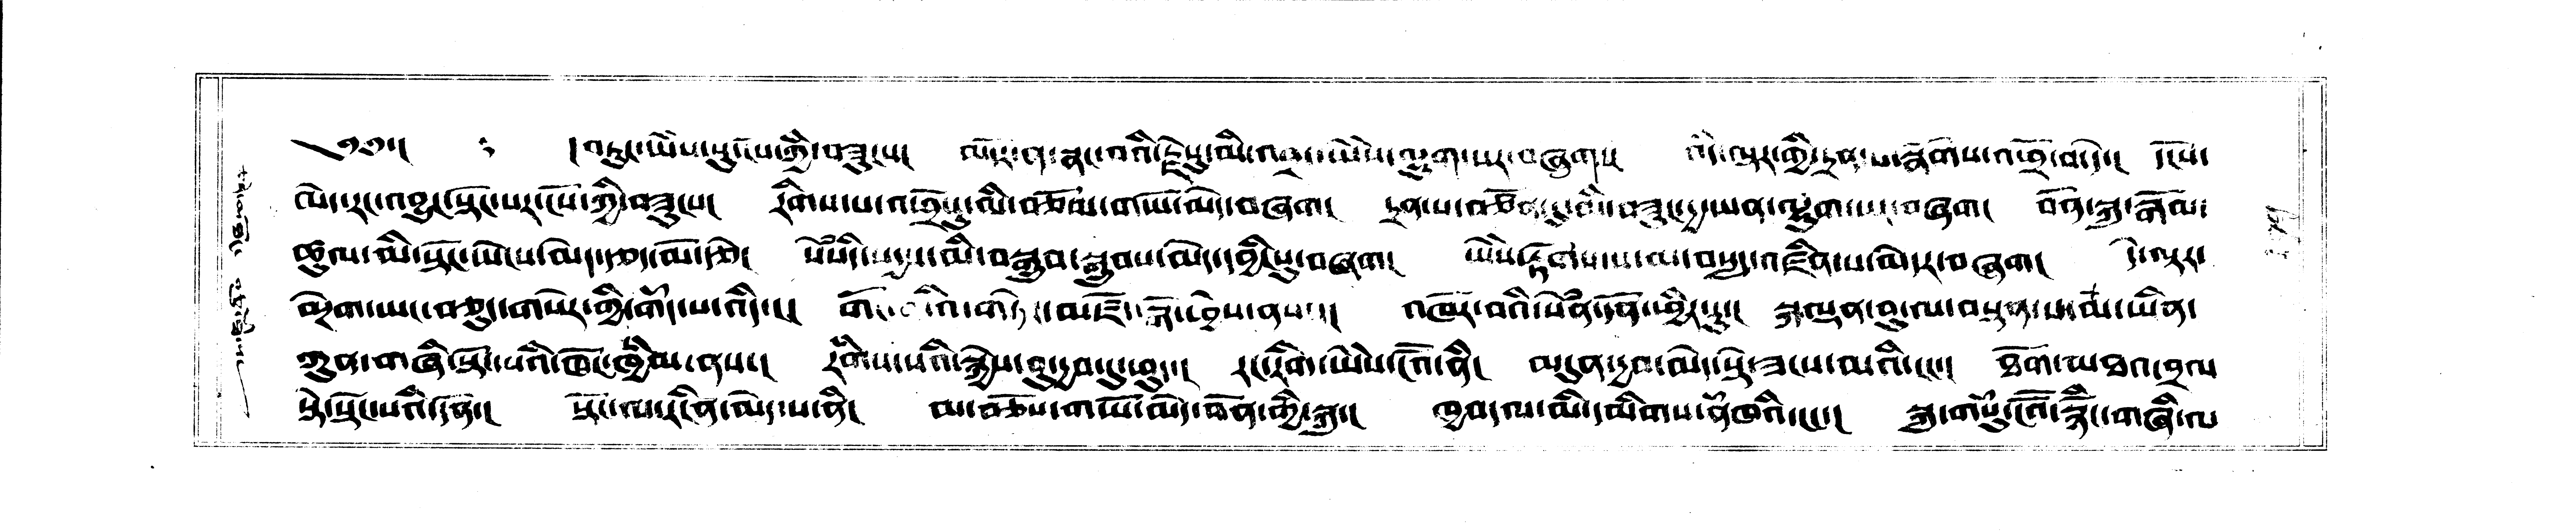བཏང་ཡེ་ཤེས་ངོས་ཀྱི་བཟུངས། མདོར་ན་སྣང་བའི་རྗེས་སུ་མི་འབྲེང་ཡེ་ཤེས་ལྷུག་པར་བཞགས། འདི་ལྟར་གྱི་དྲན་པ་སྣ་ཚོགས་འཕྲོ་བ་དེ། དངོས་
མེང་རང་འབྱུང་སྟོང་པར་ངོས་ཀྱིས་བཟུང་། རིག་པ་འཕྲོ་རྒྱུ་མི་བཅོལ་གཡོ་བ་མེད་པར་བཞག དྲན་པ་བརྩོན་དུ་མི་བཟུང་རྒྱན་ཡན་ལྷུག་པར་བཞག བོན་སྐུ་སྒོམ་
ཚུལ་མི་བསྟན་ཡེངས་མེད་རྩེད་མོ་རྩེ། སེམས་ཉིད་སངས་རྒྱས་མི་བསྒྲུབ་བསྒྲུབ་མེད་དབྱིངས་སུ་བཞག ཡེ་ཤེས་རྟོགས་པས་མི་བསླད་འཛིན་པ་མེད་པར་བཞག དེ་ལྟར་
མེན་ངག་ཡང་བཅུད་གསར་༼གསེར༽གྱིས་གདམ་པ་འདི། གོང་མའི་གཏེར་མཛོད་སྒོ་ཕྱེས་ནས། འགྲོ་བ་སེམས་ཅན་དོན་ཕྱིར་དུ། སྐལ་ལྡན་བུ་ལ་བསྟན་པ་ཡིན།
 ཀུན་གཞི་སྟོང་པའི་ཁང་ཁྱིམ་ནས། རིག་པའི་སྐྱེས་བུ་རྒྱབ་ཏུ་ཕུད། རང་རིག་ཡེ་ཤེས་ངོའོ་ནི། མདུན་རྒྱབ་མེད་དེ་ཡེ་ཤེས་ཟང་མའི་ངང་། ཐོག་མཐའ་བྲལ་
ཏེ་སྟོང་པའི་དོན། སྟོང་ལས་རང་བཞིན་མེད་པས་ནི། མ་བཅོས་གཡོ་མེད་བོན་གྱི་སྐུ། ཁྱབ་བདལ་མི་དམིགས་ནམ་མཁའི་ངང་། སྐུ་གསུམ་སྙིང་པོ་གཞི་ལ་